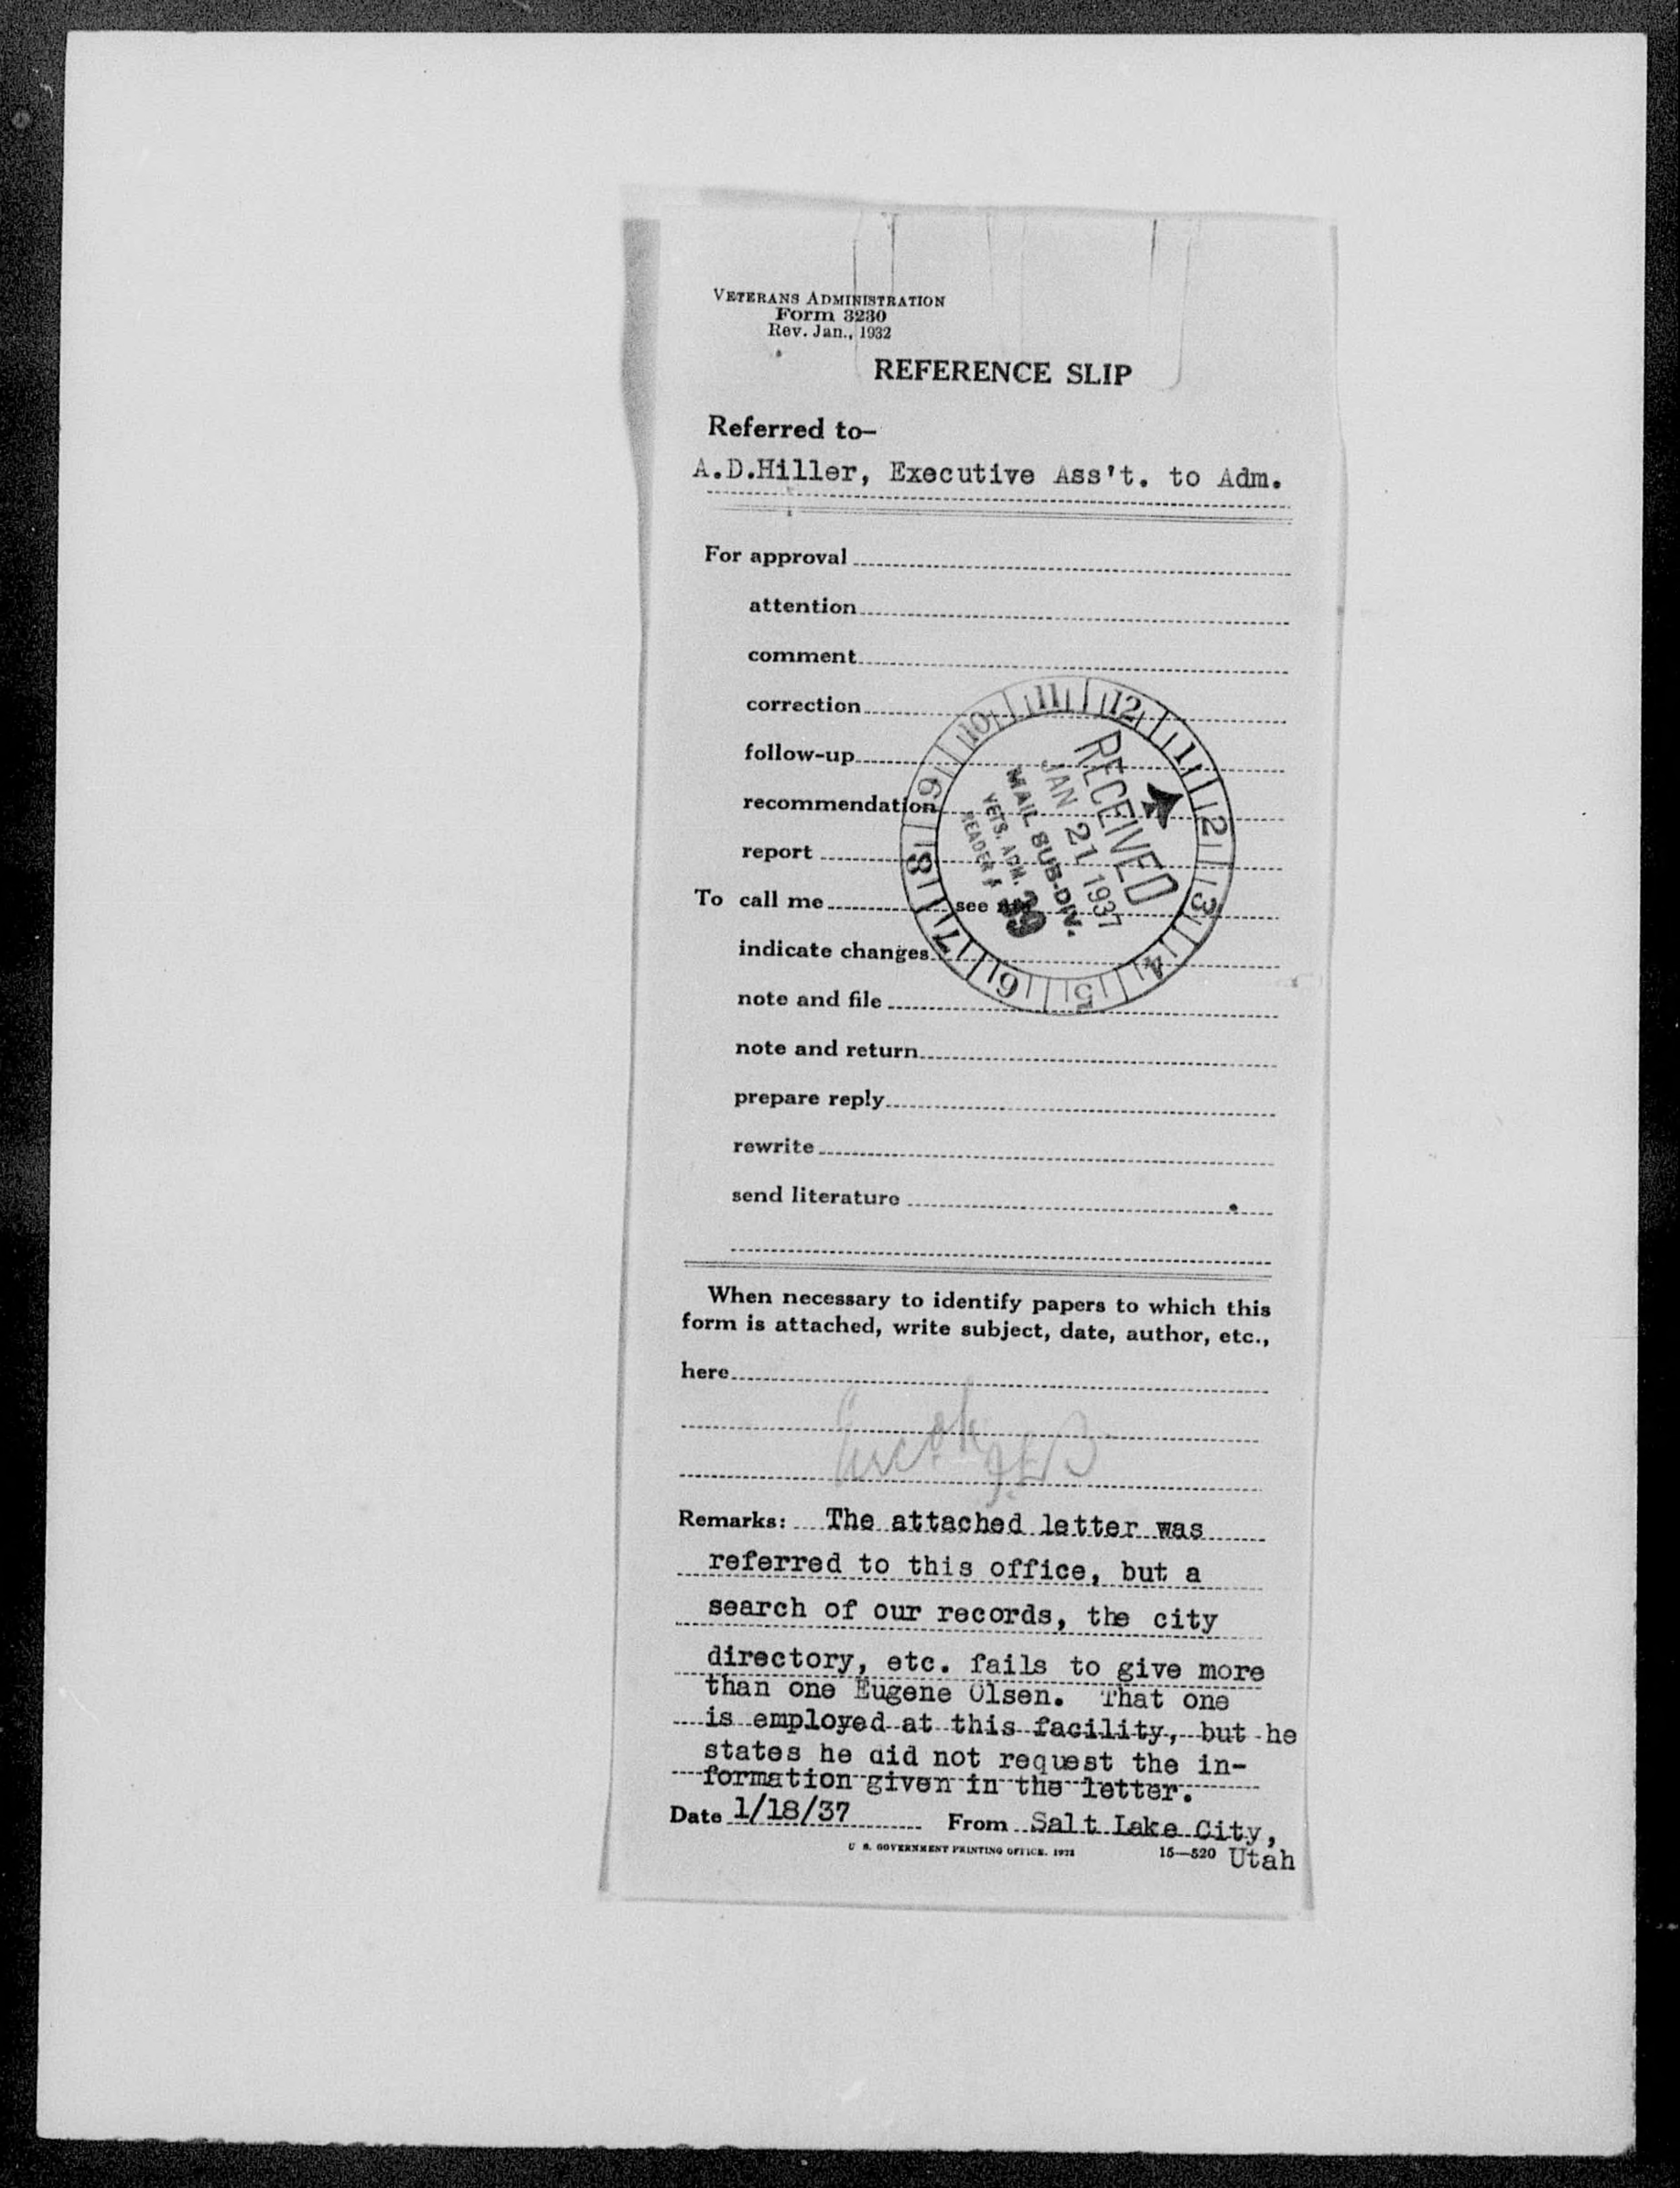Veterans Administration 
form 3230
Rev. Jan., 1932

Reference Slip

Referred to -
A. D. Hiller Executive Ass't . to Adm.

For approval..............
attention..............
comment.............
correction...............
follow-up...............
recommendation...................
report...................

To call me....................
indicate changes............
note and file...................
note and return.......................
prepare reply....................
rewrite....................
send literature...............
.....................................................................

When necessary to identify papers to which this 
form is attached, write subject, date, author, etc.,
here.............................
Euc ok  JLB
Remarks:  The attached latter was referred to this office, but a
search of our records, the city
directory, etc. fails to give more
than one Eugene Olsen. That one 
is employed at this facility, but he 
states he did not request the information 
given in the letter.
Date 1/18/37          From Salt Lake City, Utah
U.S Government Printing office 1932

[stamped]
Received
Jan 21 1937
Mail Sub-Division Vets. Adm
Reader #39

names: A D Hiller, Eugene Olsen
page: 33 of 86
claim: widow's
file: W. 6899, James Carrell, N.C.